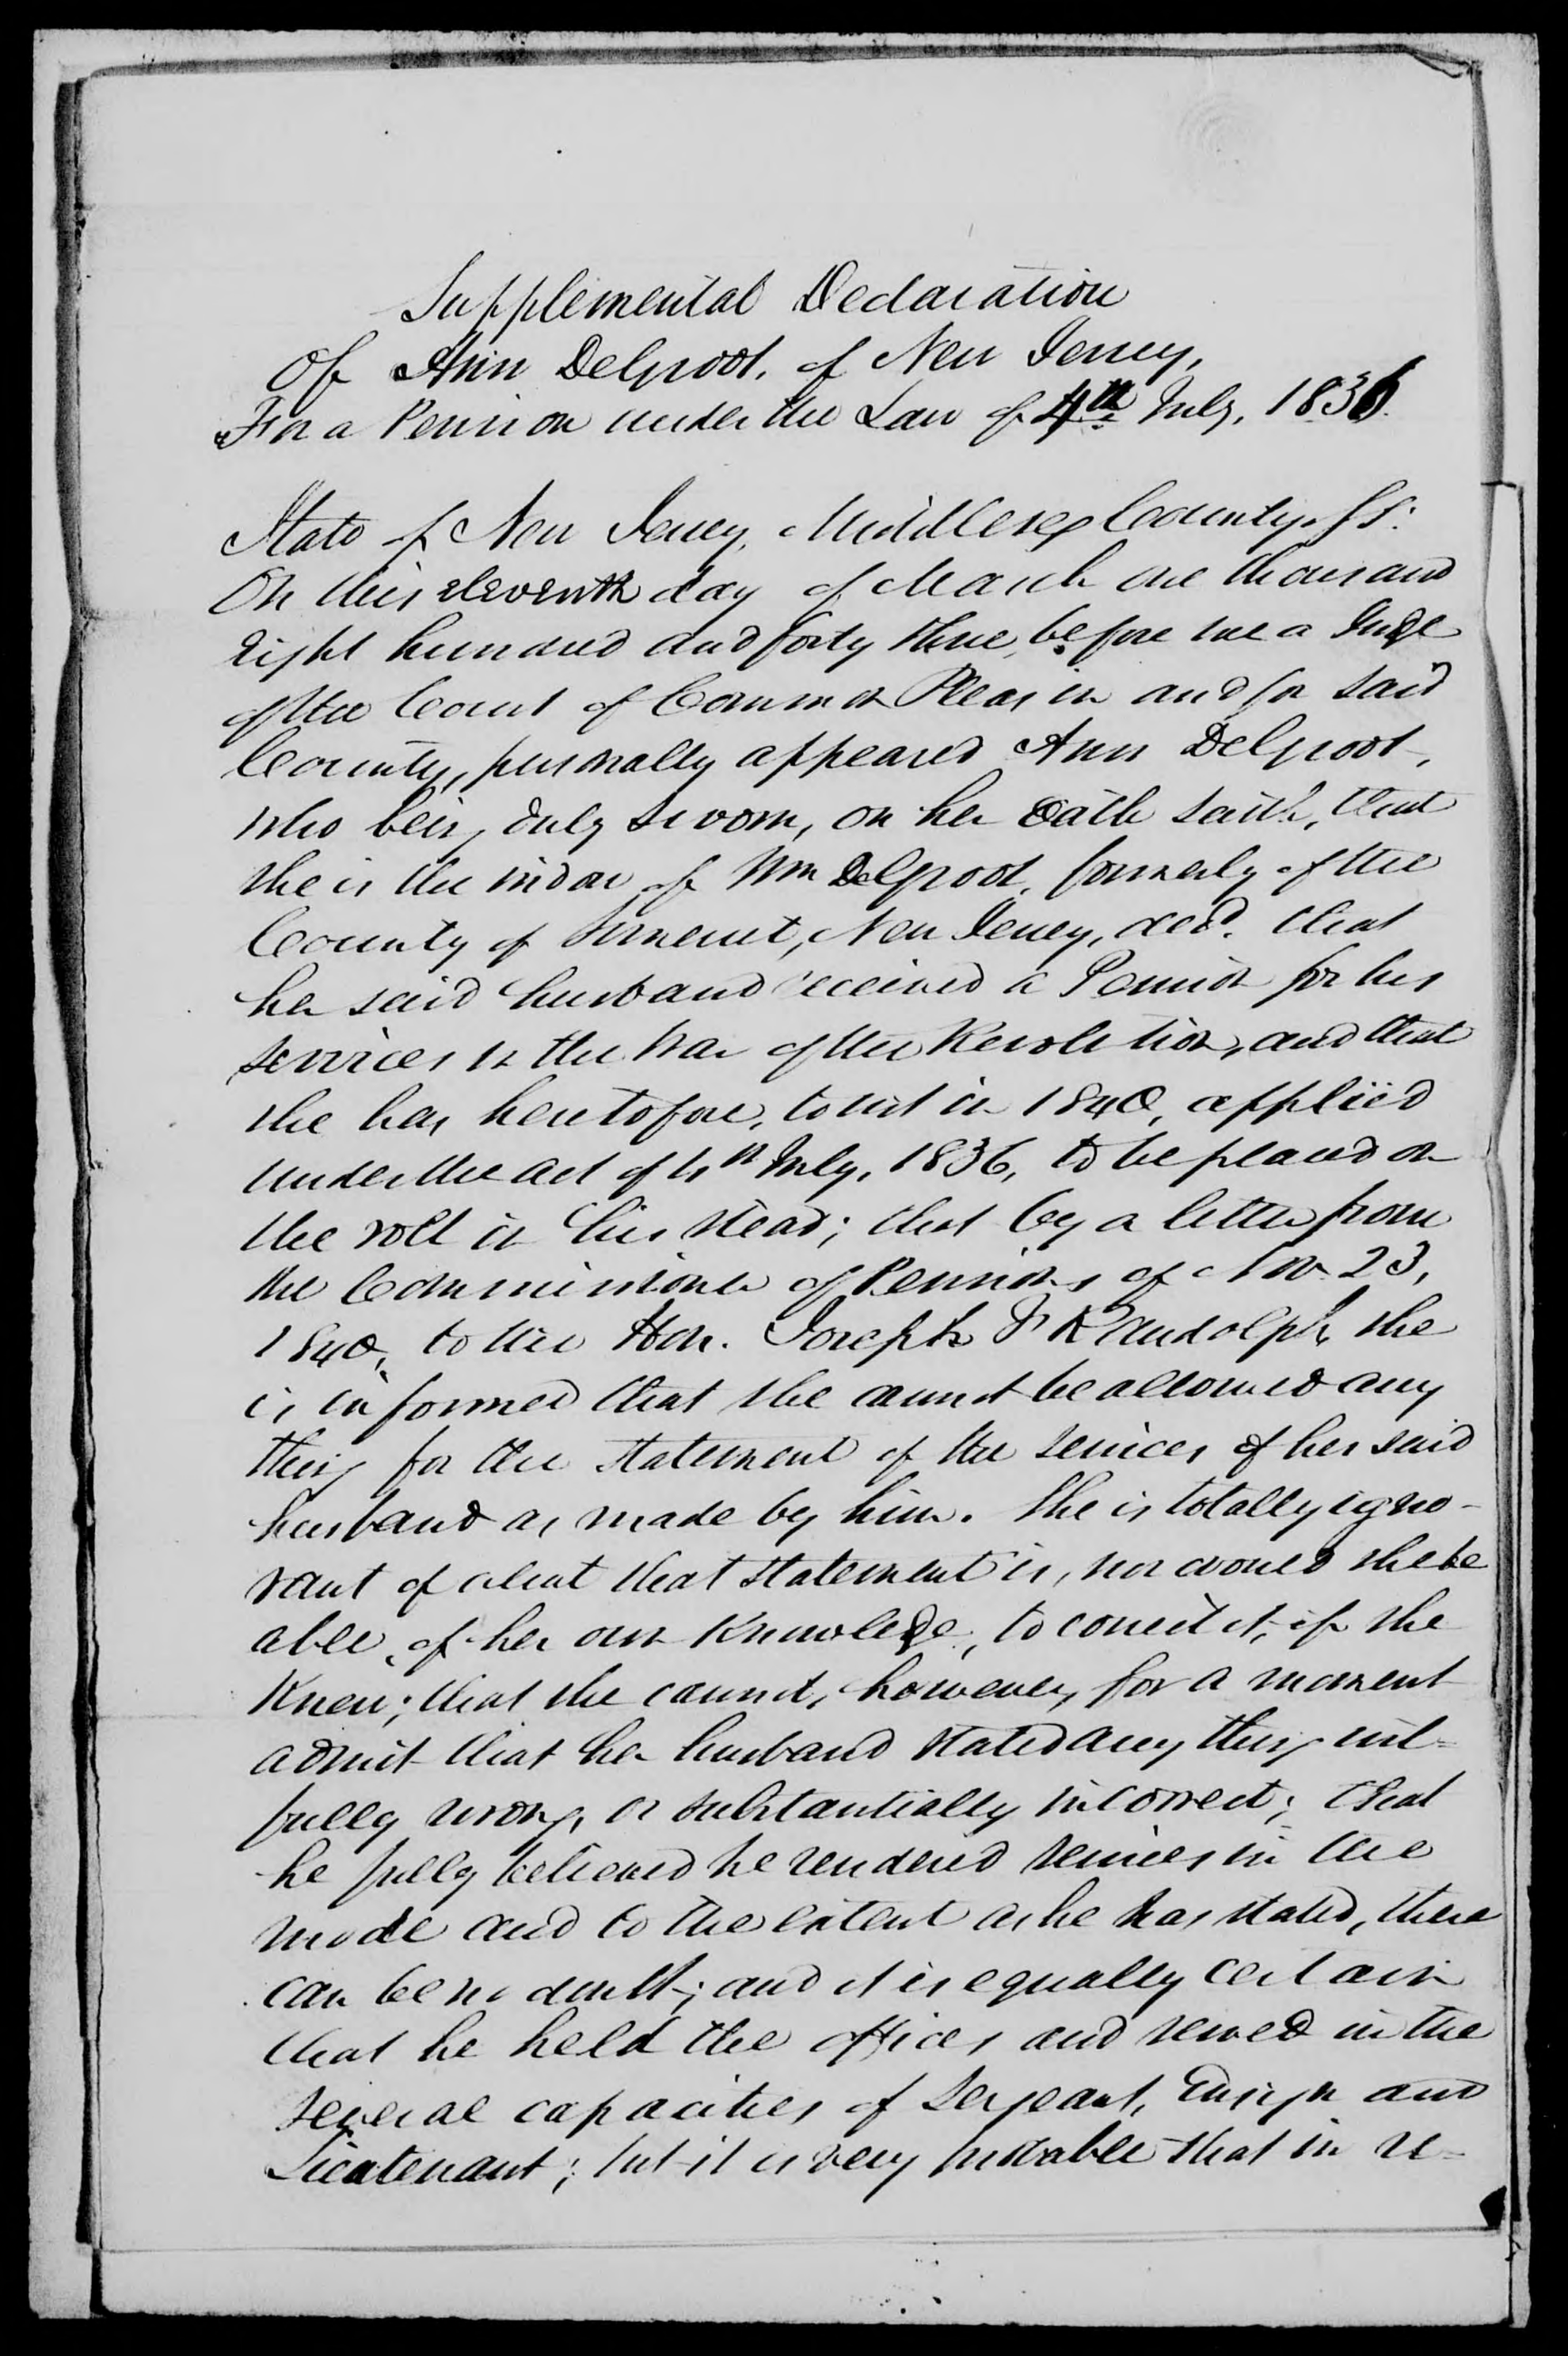Supplemental Declaration of Ann DeGroot, of New Jersey, For a Pension under the Law of 4th July, 1836
State of New Jersey, Middlesex County, Ss:
On this eleventh day of March one thousand eight hundred and forty three, before me a Judge of the Court of Common Pleas in and for said Couty, personally appeared Ann DeGroot, who being duly sworn, on her oath saith, that she is the widow of Wm DeGroot, formerly of the County of Somerset, New Jersey, decd. that her said husband received a Pension for his services in the war of the Revolution and that she has heretofore, to wit in 1840, applied under the act of 4th July, 1836, to be placed on the roll in his stead; that by a letter from the Commissioner of Pensions of Nov. 23, 1840, to his Hon. Joseph R Randolph he is informed that she cannot be allowed anything for the statement of the services of her said husband as made by him. She is totally ignorant of what that statement is, nor could she be able of her own knowledge, to count it, if she knew; that she cannot, however, for a moment admit that her husband stated anything willfully wrong, or substantially incorrect. that he fully believed he rendered services in the mode and to the extent as he has stated, there can be no doubt and it is equally certain that he held the offices and served in the several capacities of Sergeant, Ensign and Lieutenant, but it is very probable that in U=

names: Wm De Groot, Ann De Groot, Joseph F Randolph, Ann De Groot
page: 62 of 77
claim: widow's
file: W. 417, William De Groot, New Jersey